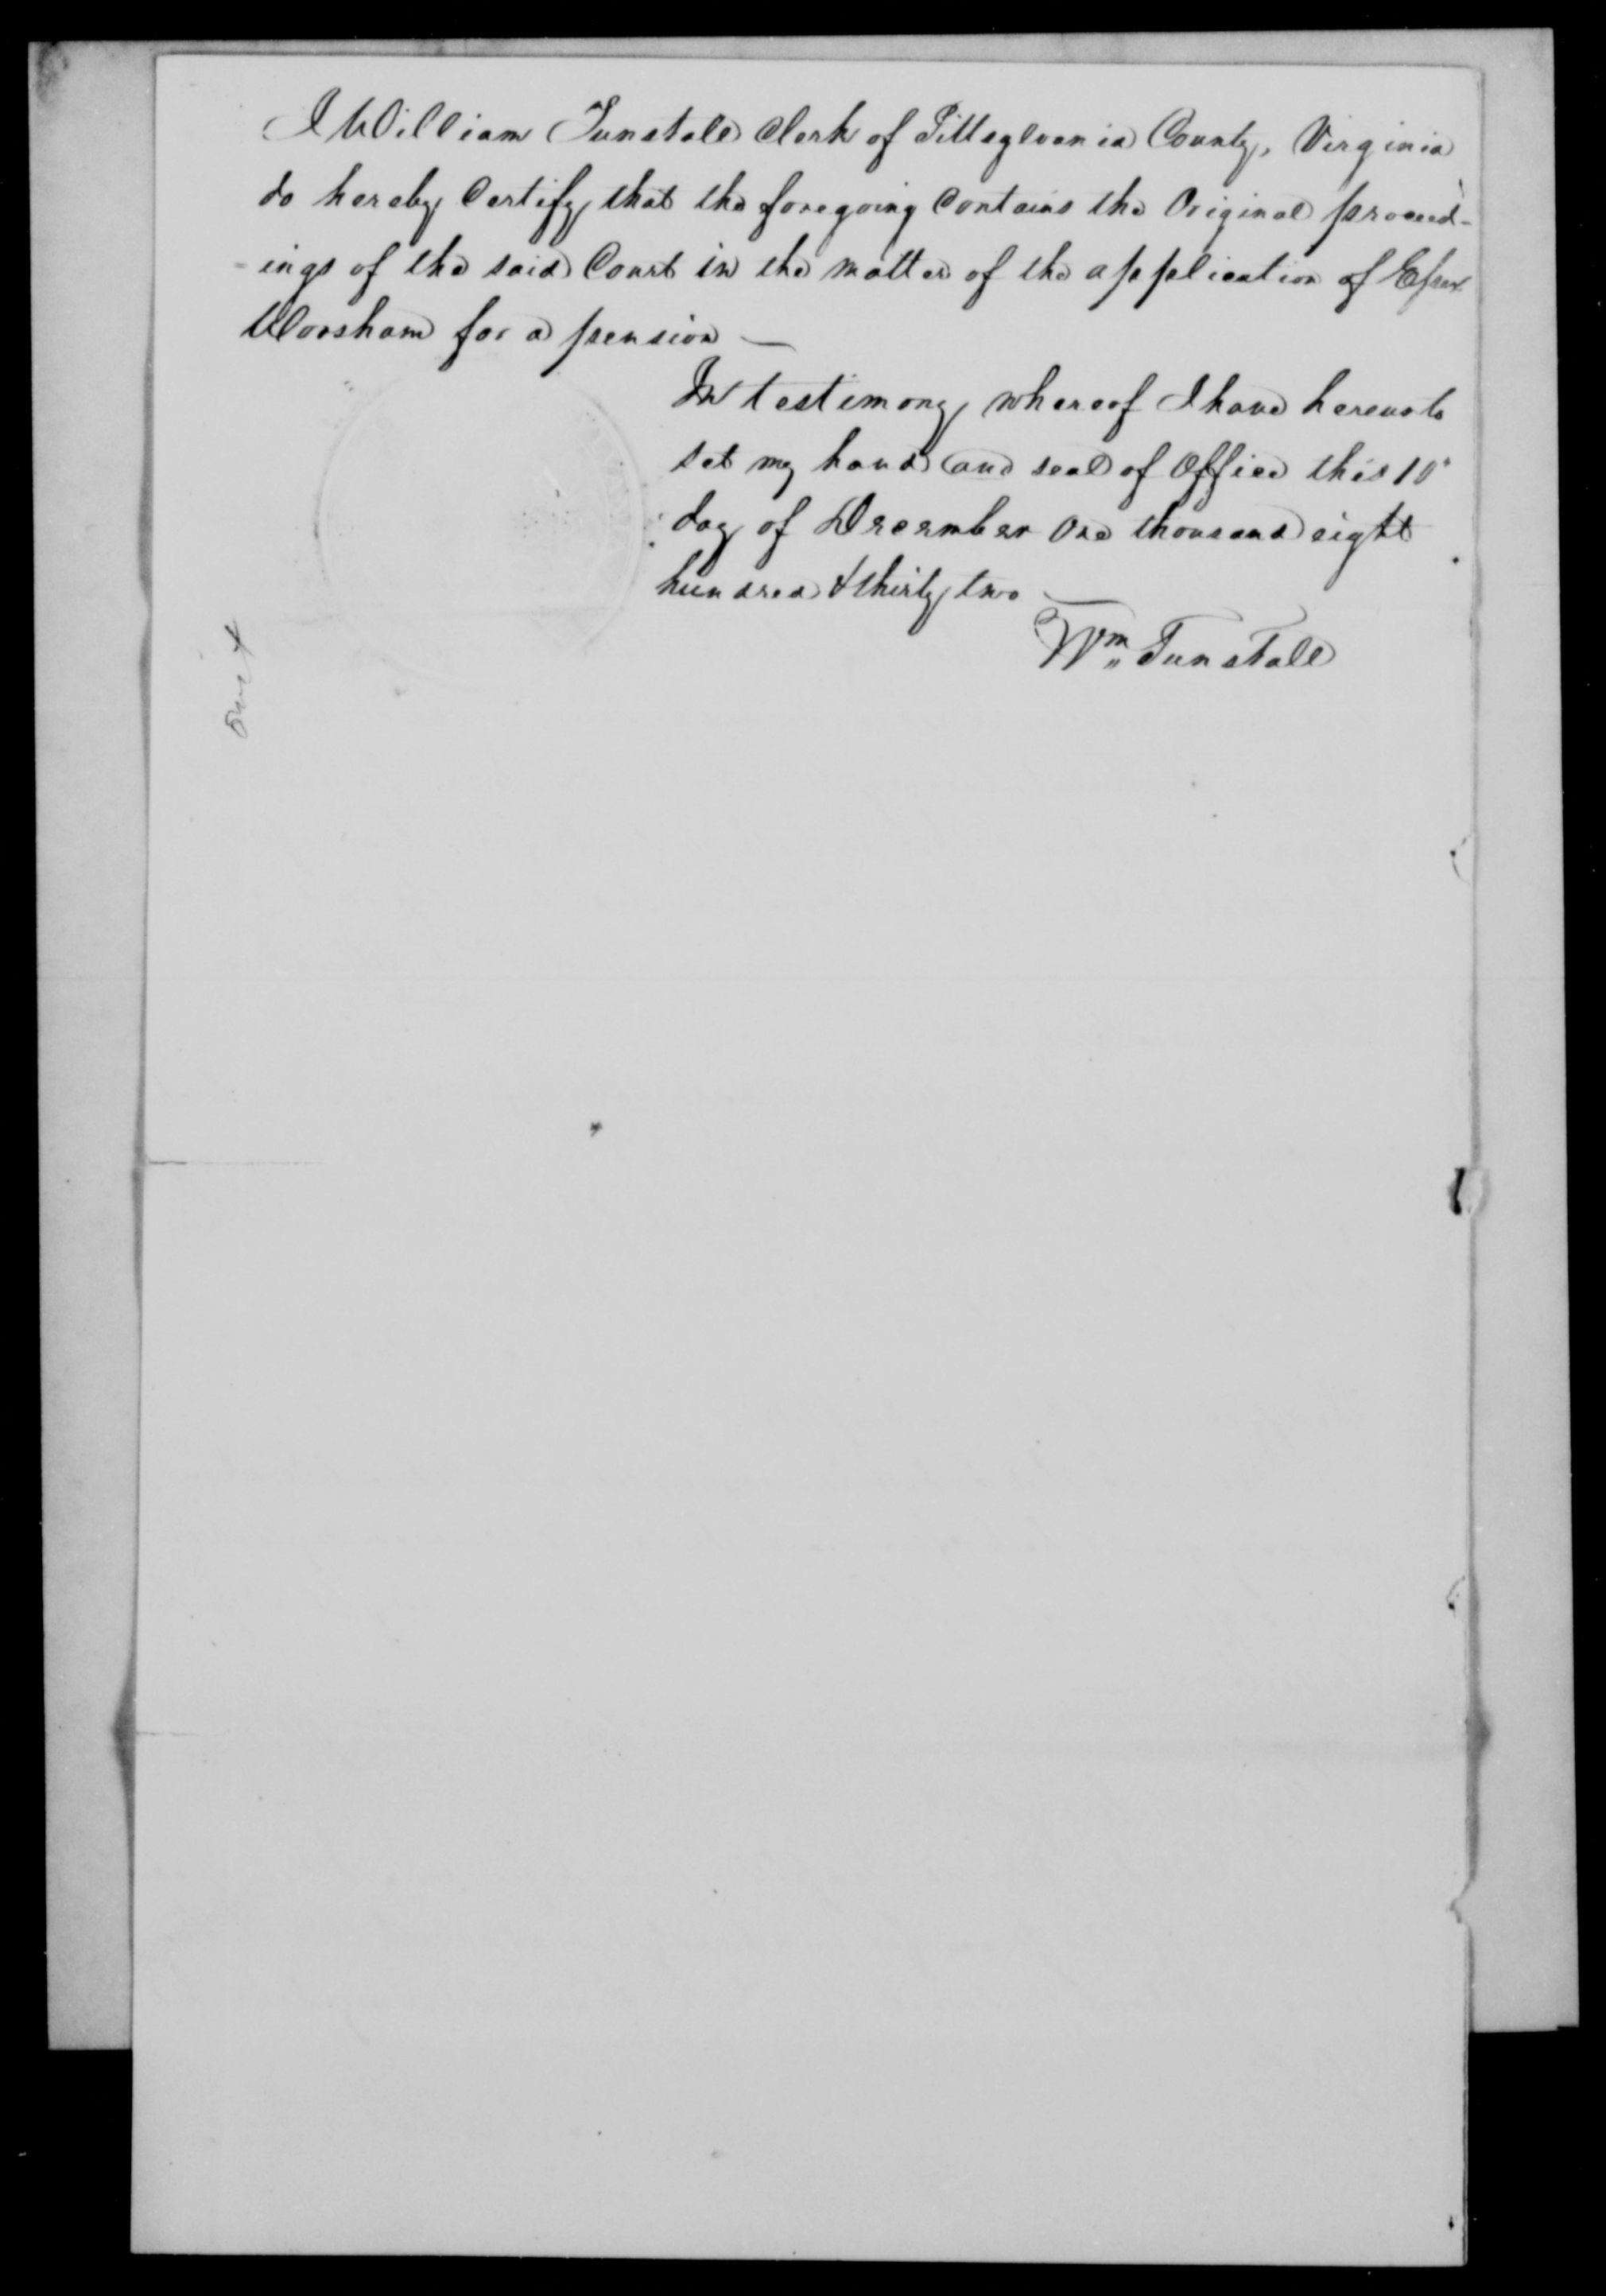I William Tunstall clerk of Pittsylvania County, Virginia
do hereby certify that the foregoing contains the original proceedings
of the said Court in the matter of the application of Essex
Worsham for a pension -

In testimony whereof I have hereunto
set my hand and seal of office this 10th
day of December one thousand eight
hundred + thirty two
W,,m Tunstall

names: Essex Worsham, William Tunstall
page: 8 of 16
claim: survivor's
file: S. 6,447, Essex Worsham, Va.